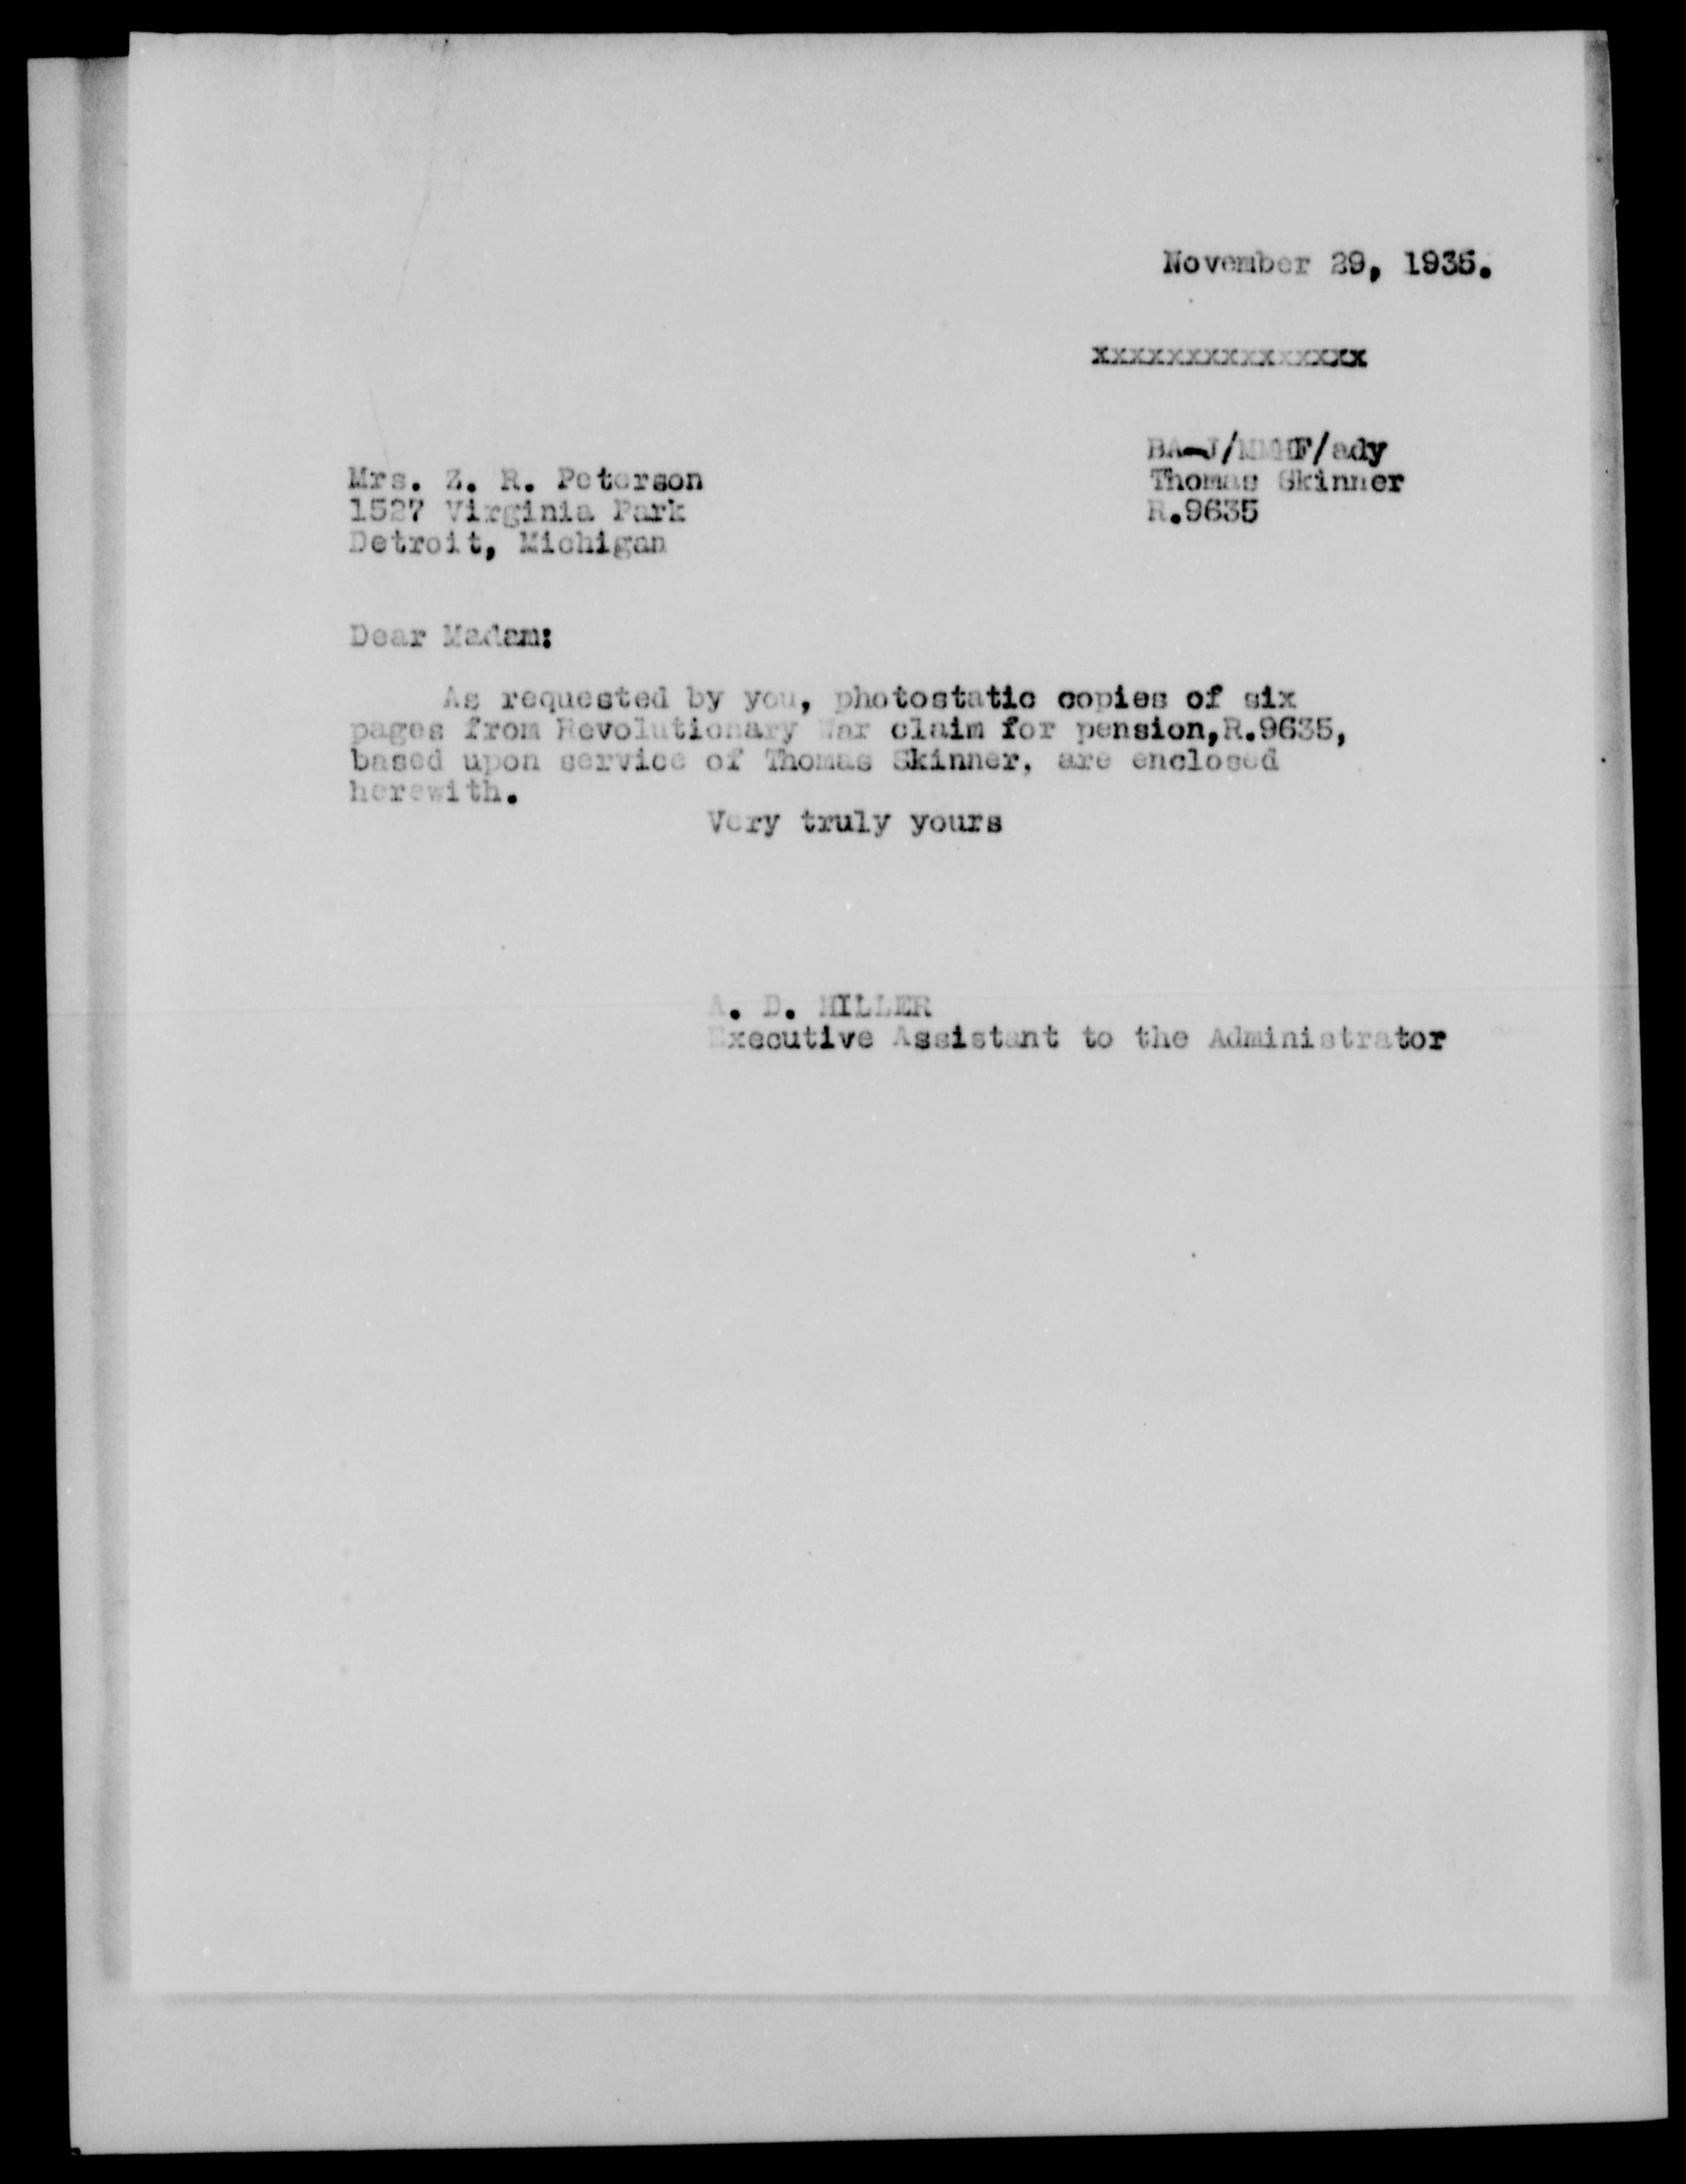November 29, 1936.

XXXXXXXXXXXXXXX

BA-J/MMHF/ady
Thomas Skinner
R.9635

Mrs. Z. R. Peterson
1527 Virginia Park
Detroit, Michigan

Dear Madam:

As requested by you, photostatic copies of six
pages from Revolutionary War claim for pension, R.9635, based upon service of Thomas Skinner, are enclosed herewith.
Very truly yours

A. D. HILLER
Executive Assistant to the Administrator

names: Thomas Skinner; Thomas Skinner; Z R Peterson; A D Hiller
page: 23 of 33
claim: rejected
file: R. 9635, for Thomas Skinner, Delaware